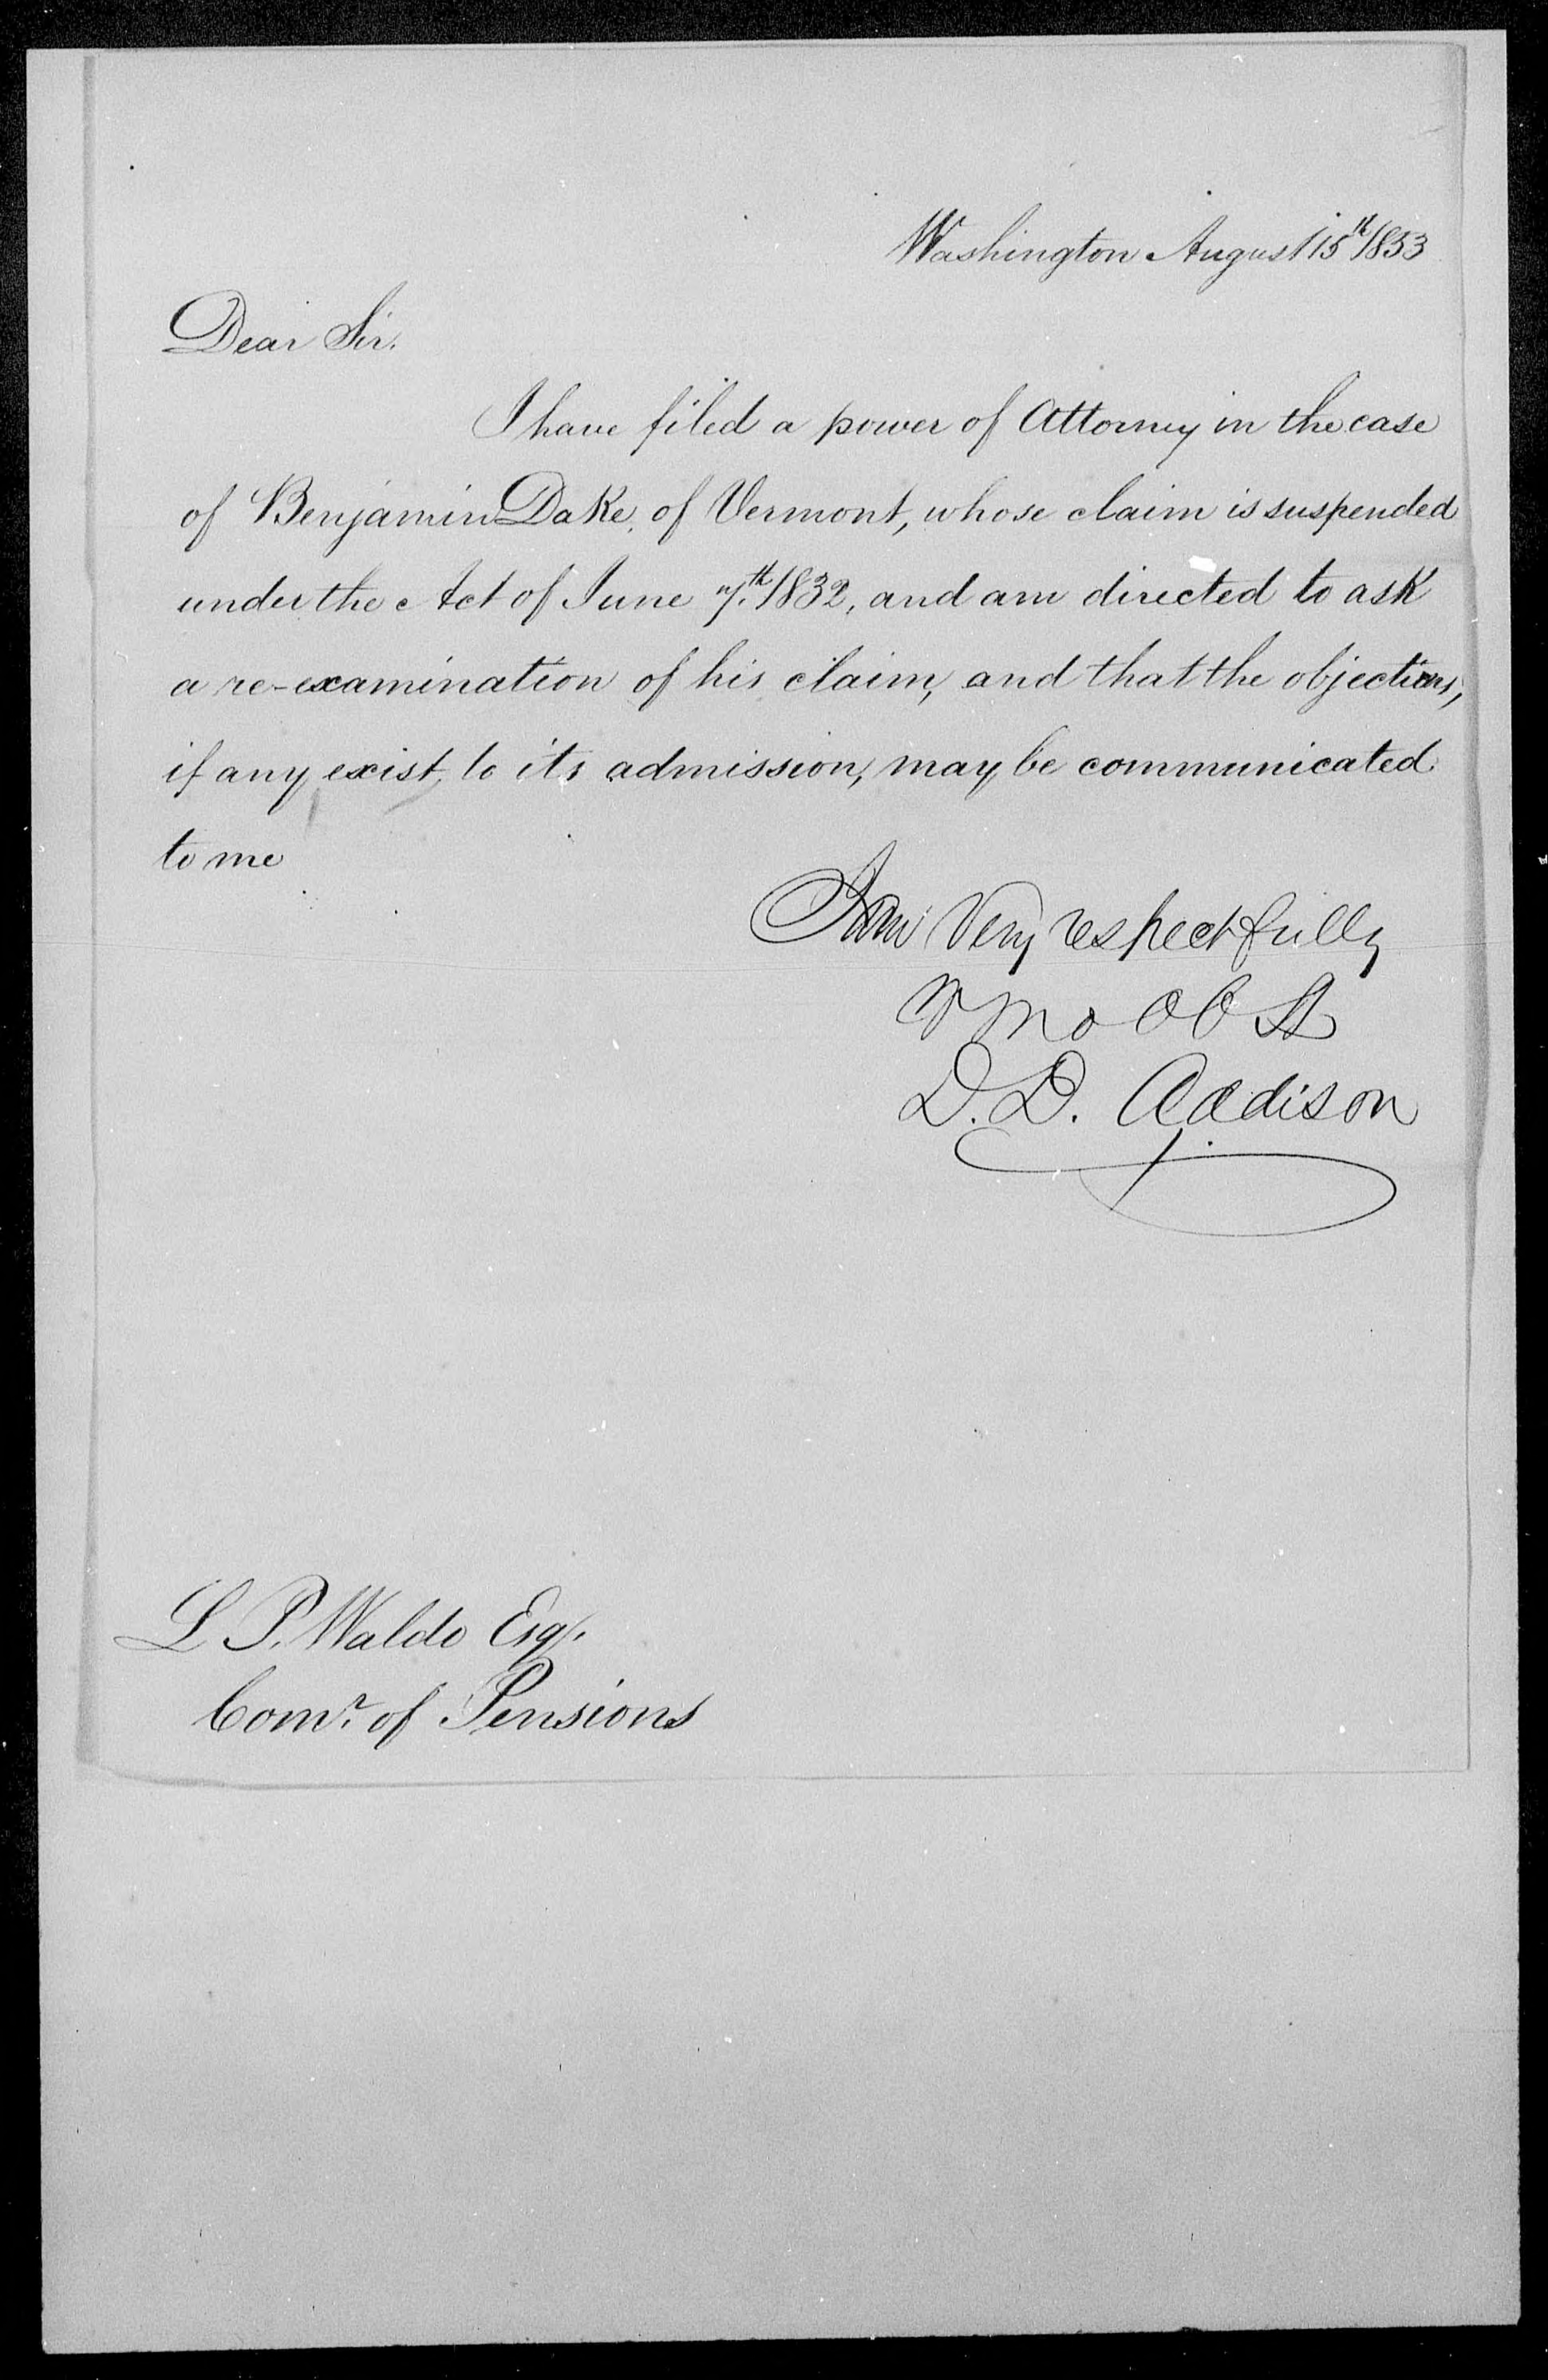Washington August 15th 1833

Dear Sir, 
I have filed a power of attorney in the case of Benjamin Dake of Vermont whose claim is suspended under the Act of June 7th 1832 and am directed to ask a re-examination of his claim, and that the objections if any exist to its admission may be communicated to me. 
I am very respectfully y mo ob st. 
D.D. Addison


L. P. Waldo Esq
Com.n of Pensions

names: Benjamin Dake, D D Addison, L P Waldo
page: 34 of 42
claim: rejected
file: R. 2,625, Benjamin Dake, R.I.